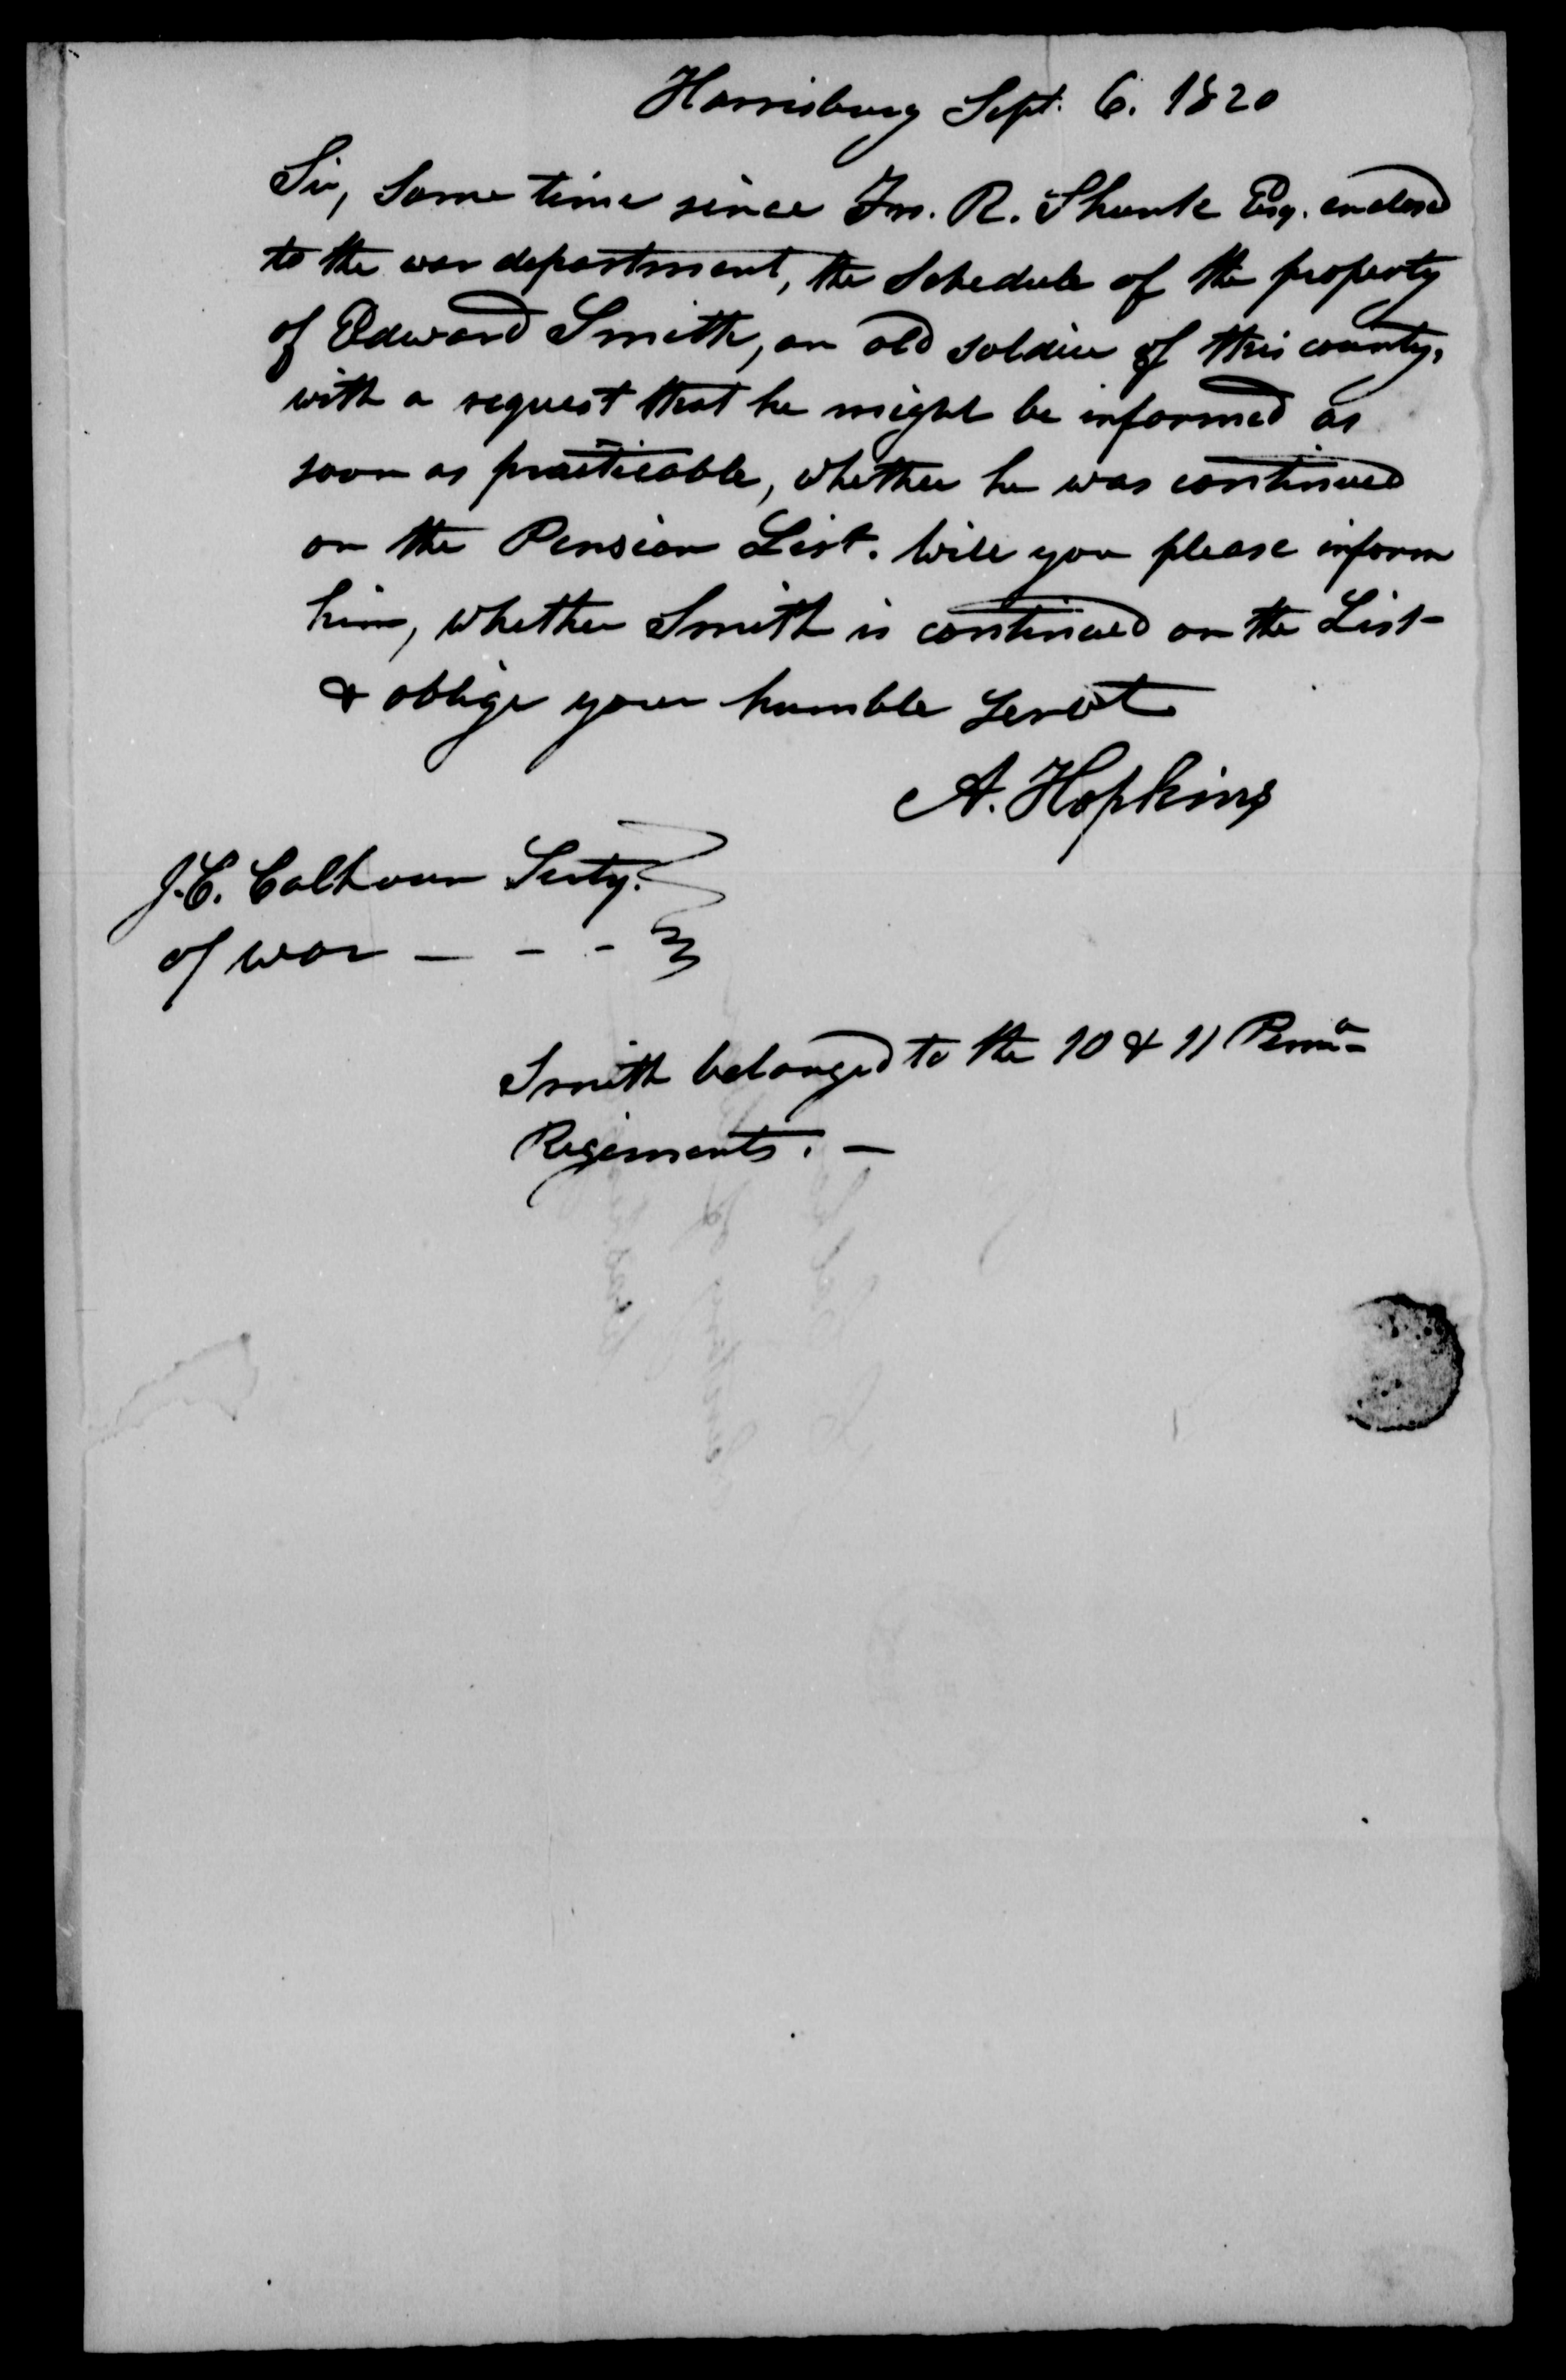Harrisburg Sept 6. 1820
Sir,
Some time since Fr. R. Shunk Esq. enclosed
to the war department, the schedule of the property of Edward Smith, an old soldier of this country, with a request that he might be informed as soon as practicable, whether he was continued on the Pension List. Will you please inform him, whether Smith is continued on the list & oblige your humble servant.

A. Hopkins

J. C. Calhoun Secty. of War

Smith belonged to the 10 & 11 Penn
Regiments.-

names: Edward Smith; [BLANK] Smith; A Hopkins; [BLANK] Smith; Fr R Shunk; J C Calhoun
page: 16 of 20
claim: survivor's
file: S 40454, for Edward Smith, Pennsylvania